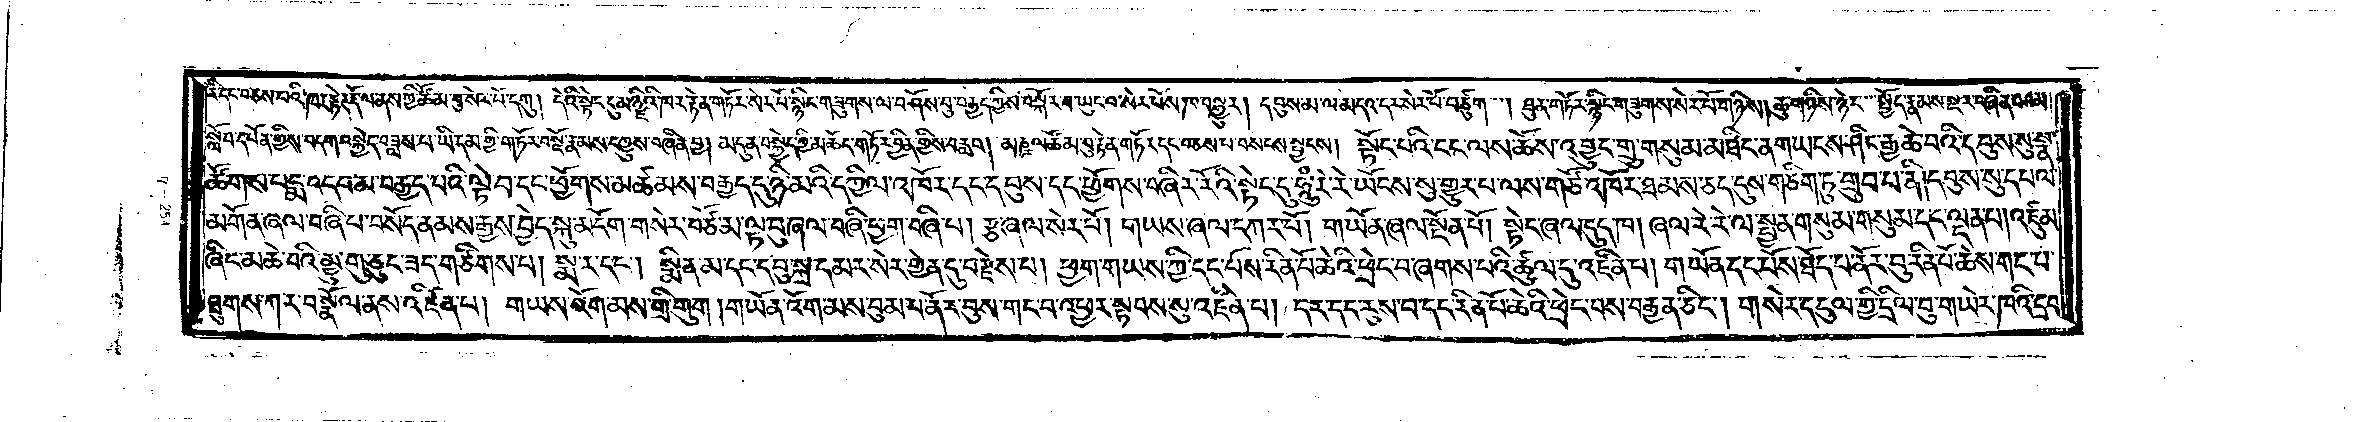རི་དང་བཅས་པའི་ཁར་རྟེན་རྒོད་ལ་ནས་ཀྱི་ཚོམ་བུ་སེར་པོ་དགུ། དེའི་སྟེང་དུ་མཉྫིའི་ཁར་རྟེན་གཏོར་སེར་པོ་སྙིང་གཟུགས་ལ་བཤོས་བུ་བརྒྱད་ཀྱིས་བསྐོར་བ་ཡུང་བ་སེར་པོས་ཁ་བསྒྱུར། དབུས་མ་ལ་མདའ་དར་སེར་པོ་བཙུག །ཐུན་གཏོར་སྙིང་གཟུགས་སེར་པོ་གཉིས། ཆུ་གཉིས་ཉེར་སྤྱོད་རྣམས་སྔར་བཞིན་བསྙམ།།
སློབ་དཔོན་གྱིས་བདག་བསྐྱེད་བཟླས་པ་ཡི་དམ་གྱི་གཏོར་བསྔོ་རྣམས་དཀྱུས་བཞིན་བྱ། མདུན་བསྐྱེད་ཀྱི་མཆོད་གཏོར་བྱིན་གྱིས་བརླབ། མཎྜལ་ཚོམ་བུ་རྟེན་གཏོར་དང་བཅས་པ་བསངས་སྦྱངས། སྟོང་པའི་ངང་ལས་ཆོས་འབྱུང་གྲུ་གསུམ་མཐིང་ནག་ཡངས་ཤིང་རྒྱ་ཆེ་བའི་དབུས་སུ་སྣ་
ཚོགས་པདམ་འདབ་མ་བརྒྱད་པའི་ལྟེ་བ་དང་ཕྱོགས་མཚམས་བརྒྱད་དུ་ཉི་མའི་དཀྱིལ་འཁོར་དང་དབུས་དང་ཕྱོགས་བཞིར་རོའི་སྟེང་དུ་ཧཱུཾ་རེ་རེ་ཡོངས་སུ་གྱུར་པ་ལས་གཙོ་འཁོར་ཐམས་ཅད་དུས་གཅིག་ཏུ་གྲུབ་པ་ནི། དབུས་སུ་དཔལ་
མགོན་ཞལ་བཞི་པ་བསོད་ནམས་རྒྱས་བྱེད་སྐུ་མདོག་གསེར་བཙོམ་ལྟ་བུ་ཞལ་བཞི་ཕྱག་བཞི་པ། རྩ་ཞལ་སེར་པོ། གཡས་ཞ་དཀར་པོ། གཡོན་ཞལ་སྔོན་པོ། སྟེང་ཞལ་དུད་ཁ། ཞལ་རེ་རེ་ལ་སྤྱན་གསུམ་གསུམ་དང་ལྡན་པ། འཛུམ་
ཞིང་མཆེ་བའི་མྱུ་གུ་ཅུང་ཟད་གཙིགས་པ། སྨ་ར་དང་། སྨིན་མ་དང་དབུ་སྐྲ་དམར་སེར་གྱེན་དུ་བརྫེས་པ། ཕྱག་གཡས་ཀྱི་དང་པོས་རིན་པོ་ཆེའི་ཕྲེང་བ་ཞགས་པའི་ཚུལ་དུ་འཛིན་པ། གཡོན་དང་པོས་ཐོད་པ་ནོར་བུ་རིན་པོ་ཆེས་གང་པ་
ཐུགས་ཀར་བསྣོལ་ནས་འཛིན་པ། གཡས་འོག་མས་གྲ་གུག །གཡོན་འོག་མས་བུམ་པ་ནོར་བུས་གང་བ་འཕྱར་སྟབས་སུ་འཛིན་པ། དར་དང་རུས་བ་དང་རིན་པོ་ཆེའི་ཕྲེང་བས་བརྒྱན་ཅིང་། གསེར་དངུལ་གྱི་དྲིལ་བུ་གཡེར་ཁའི་ཛྲབ་